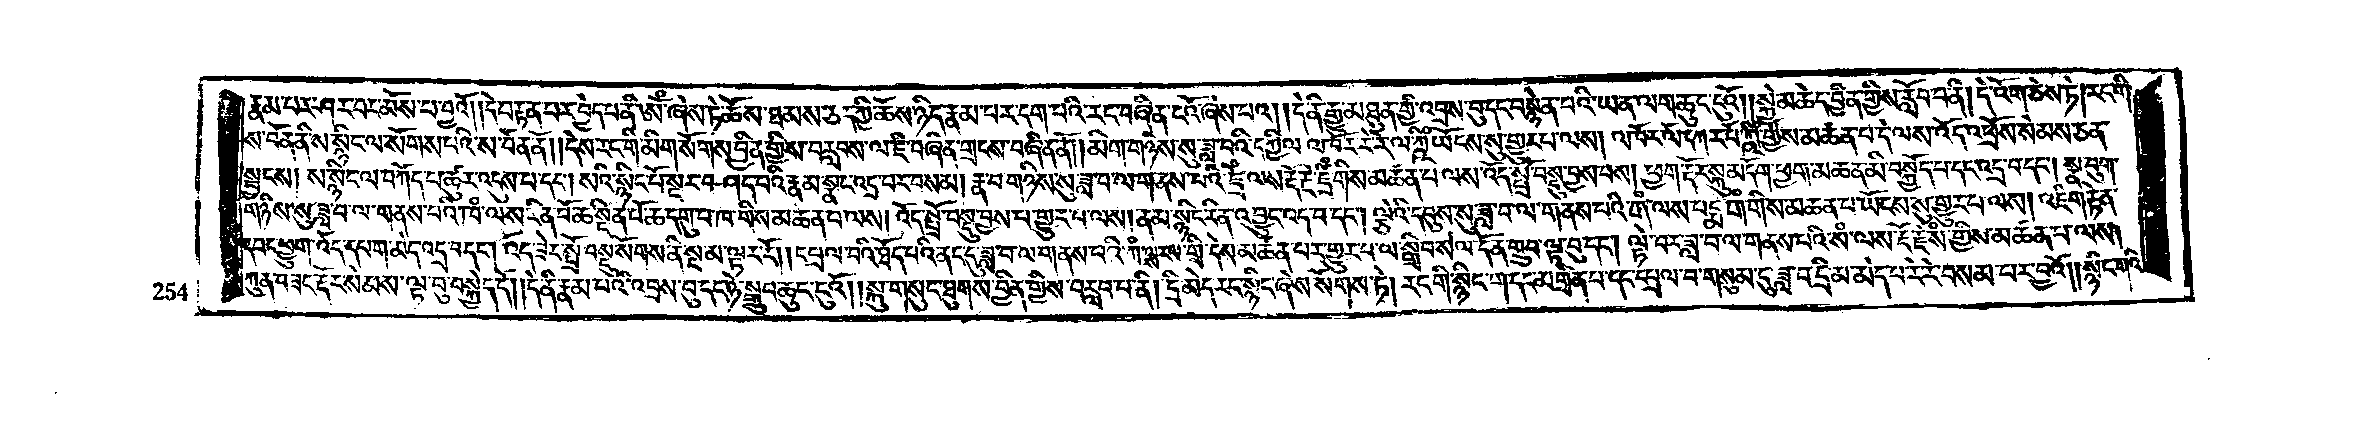རྣམ་པར་ཤར་བར་མོས་པ་བྱའོ། །དེ་བརྟན་པར་བྱེད་པ་ནི་ཨོཾ་ཞེས་ཏེ་ཆོས་ཐམས་ཅད་ཀྱི་ཆོས་ཉིད་རྣམ་པར་དག་པའི་རང་བཞིན་ངའོ་ཞེས་པའོ། །དེ་ནི་རྒྱུ་མཐུན་གྱི་འབྲས་བུ་དང་བསྙེན་པའི་ཡན་ལག་ཆུང་ངུའོ། །སྐྱེ་མཆེད་བྱིན་གྱིས་རློབ་པ་ནི། དེ་འོག་ཅེས་ཏེ། རང་གི་
ས་བོན་ནི་ས་སྙིང་ལ་སོགས་པའི་ས་བོན་ནོ། །དེས་རང་གི་མིག་སོགས་བྱིན་གྱིས་བརླབས་ལ་ཇི་བཞིན་གྲངས་བཞིན་ནོ། །མིག་གཉིས་སུ་ཟླ་བའི་དཀྱིལ་འཁོར་རེ་རེ་ལ་ཀིཥ་ཡོངས་སུ་གྱུར་པ་ལས། འཁོར་ལོ་དཀར་པོ་ཀིཥཾ་གྱིས་མཚན་པ་དེ་ལས་འོད་འཕྲོས་སེམས་ཅན་
སྦྱངས། ས་སྙིང་ལ་བཀོད་པ་ཚུར་འདུས་པ་དང་། སའི་སྙིང་པོ་སྔར་བཤད་པའི་རྣམ་སྣང་འདྲ་བར་བསམ། རྣམ་པ་གཉིས་སུ་ཟླ་བ་ལ་གནས་པའི་ཛྲོཾ་ལས་རྡོ་རྗེ་ཛྲོཾ་གིས་མཚན་པ་ལས་འོད་སྤྲོ་བསྡུ་བྱས་པས། ཕྱག་རྡོར་སྐུ་མདོག་ཕྱག་མཚན་མི་བསྐྱོད་པ་དང་འདྲ་བ་དང་། སྣ་བུག་
གཉིས་སུ་ཟླ་བ་ལ་གནས་པའི་ཁཾ་ལས་རིན་པོ་ཆེ་སྔན་པོ་ཆ་དགུ་པ་ཁ་གིས་མཚན་པ་ལས། འོད་སྤྲོ་བསྡུ་བྱས་པ་གྱུར་པ་ལས། ནམ་སྙིང་རིན་འབྱུང་འང་བ་དང་། ལྕེའི་དབུས་སུ་ཟླ་བ་ལ་གནས་པའི་བཾ་ལས་པདམ་བཾ་གིས་མཚན་པ་ཡོངས་སུ་གྱུར་པ་ལས། འཇིག་རྟེན་
དབང་ཕུག་འོད་དཔག་མེད་འདྲ་བ་དང་། འོད་ཟེར་སྤྲོ་བསྡུ་སོགས་ནི་སྔ་མ་ལྟར་རོ། །དཔྲལ་བའི་ཐོད་པའི་ནང་དུ་ཟླ་བ་ལ་གནས་པའི་ཀཾ་ལས་རལ་གྲི་དེས་མཚན་པར་གྱུར་པ་ལ་སྒྲིབ་སེལ་དོན་གྲུབ་ལྟ་བུ་དང་། ལྟེ་བར་ཟླ་བ་ལ་གནས་པའི་སཾ་ལས་རྡོ་རྗེ་སཾ་གྱིས་མཚན་པ་ལས།
ཀུན་བཟང་རྡོར་སེམས་ལྟ་བུ་བསྐྱེད་དོ། །དེ་ནི་རྣམ་པའི་འབྲས་བུ་དང་ཉེ་སྒྲུབ་ཆུང་ངུའོ། །སྐུ་གསུང་ཐུགས་བྱིན་གྱིས་བརླབ་པ་ནི། དྲི་མེད་རང་སྙིང་ཞེས་སོགས་ཏེ། རང་གི་སྙིང་ག་དང་མགྲིན་པ་དང་དཔྲལ་བ་གསུམ་དུ་ཟླ་བ་དྲི་མ་མེད་པ་རེ་རེ་བསམ་པར་བྱའོ། །སྙིང་གའི་